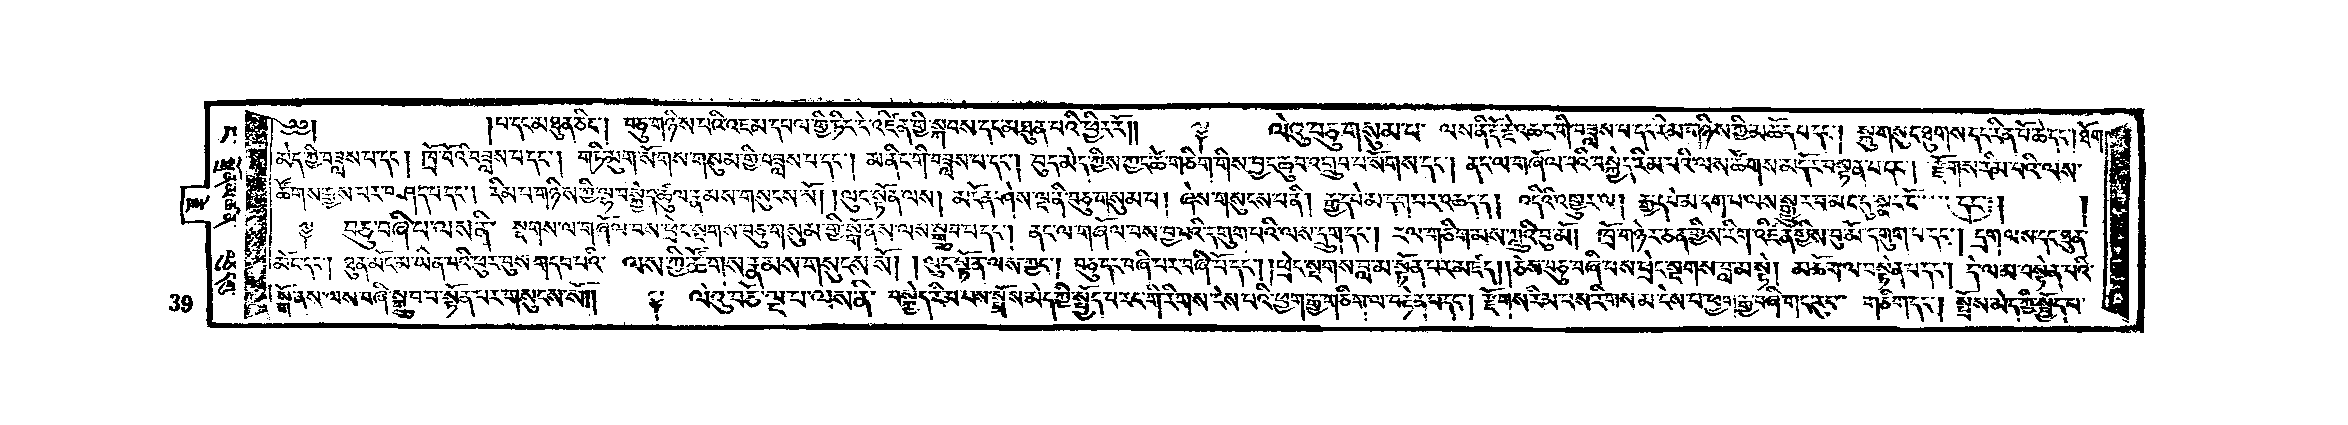༄༅། །པ་དང་མཐུན་ཅིང་། བཅུ་གཉིས་པའི་འཇམ་དཔལ་གྱི་ཏིང་ངེ་འཛིན་གྱི་སྐབས་དང་མཐུན་པའི་ཕྱིར་རོ།། ༈ ལེའུ་བཅུ་གསུམ་པ་ལས་ནི་རྡོ་རྗེ་འཆང་གི་བཟླས་པ་དང་རིམ་གཉིས་ཀྱི་མཆོད་པ་དང་། སྐུ་གསུང་ཐུགས་དང་རིན་པོ་ཆེ་དང་། ཐོག་
མེད་ཀྱི་བཟླས་པ་དང་། ཁྲོ་བོའི་བཟླས་པ་དང་། གཏི་མུག་སོགས་གསུམ་གྱི་བཟླས་པ་དང་། མ་ནིང་གི་བཟླས་པ་དང་། བུད་མེད་ཀྱིས་ཀྱང་ཚེ་གཅིག་གིས་བྱང་ཆུབ་འགྲུབ་པ་སོགས་དང་། ནང་ལ་གཞོལ་བའི་བསྐྱེད་རིམ་པའི་ལས་ཚོགས་མདོར་བསྟན་པ་དང་། རྫོགས་རིམ་པའི་ལས་
ཚེགས་རྒྱས་པར་བཤད་པ་དང་། རིམ་པ་གཉིས་ཀྱི་ལྷ་བསྐྱེད་ཚུལ་རྣམས་གསུངས་སོ། །ལུང་སྟོན་ལས། མངོན་ཤེས་ལྔ་ནི་བཅུ་གསུམ་པ། ཞེས་གསུངས་པ་ནི། རྒྱ་དཔེ་མ་དག་པར་འཆད་དེ། འདིའི་འགྱུར་ལ། རྒྱ་དཔེ་དག་པ་ལས་སྒྱུར་བ་མང་དུ་སྣང་ངོ་དང་། །
༈ བཅུ་བཞི་པ་ལས་ནི་སྔགས་ལ་གཞོལ་བས་ཕྲེང་སྔགས་བཅུ་གསུམ་གྱི་སྒོ་ནས་ལས་སྒྲུབ་པ་དང་། ནང་ལ་གཞོལ་བས་བྱ་བའི་དགུག་པའི་ལས་དྲུག་དང་། རལ་གཅིག་མས་ཀླུའི་བུ་མོ། ཁྲོ་གཉེར་ཅན་གྱིས་རིག་འཛིན་གྱིས་བུ་མོ་དགུག་པ་དང་། དྲག་ལས་དང་ཐུན་
མོང་དང་། ཐུན་མོང་མ་ཡིན་པའི་ཕུར་བུས་གདབ་པའི་ལས་ཀྱི་ཚོགས་རྣམས་གསུངས་སོ། །ལུང་སྟོན་ལས་ཀྱང་། བཅུ་དང་བཞི་པར་བཞི་པོ་དང་། །ཕྲང་སྔགས་བླ་མ་སྟོན་པར་མཛད། །ཅེས་བཅུ་བཞི་པས་ཕྲེང་སྔགས་བླ་མ་སྟེ། མཆོག་ལ་བསྟེན་པ་དང་། དེ་ལ་མ་བསྟེན་པའི་
སྒོ་ནས་ལས་བཞི་སྒྲུབ་པ་སྟོན་པར་གསུངས་སོ།། ༈ ལེའུ་བཅོ་ལྔ་པ་ལས་ནི་བསྐྱེད་རིམ་པས་སྤྲོས་མེད་ཀྱི་སྤྱོད་པ་རང་གི་རིགས་ངེས་པའི་ཕྱག་རྒྱ་གཅིག་ལ་བརྟེན་པ་དང་། རྫོགས་རིམ་པས་རིགས་མ་ངེས་པ་ཕྱག་རྒྱ་བཞི་གང་རུང་གཅིག་དང་། སྤྲོས་མེད་ཀྱི་སྤྱོད་པ་